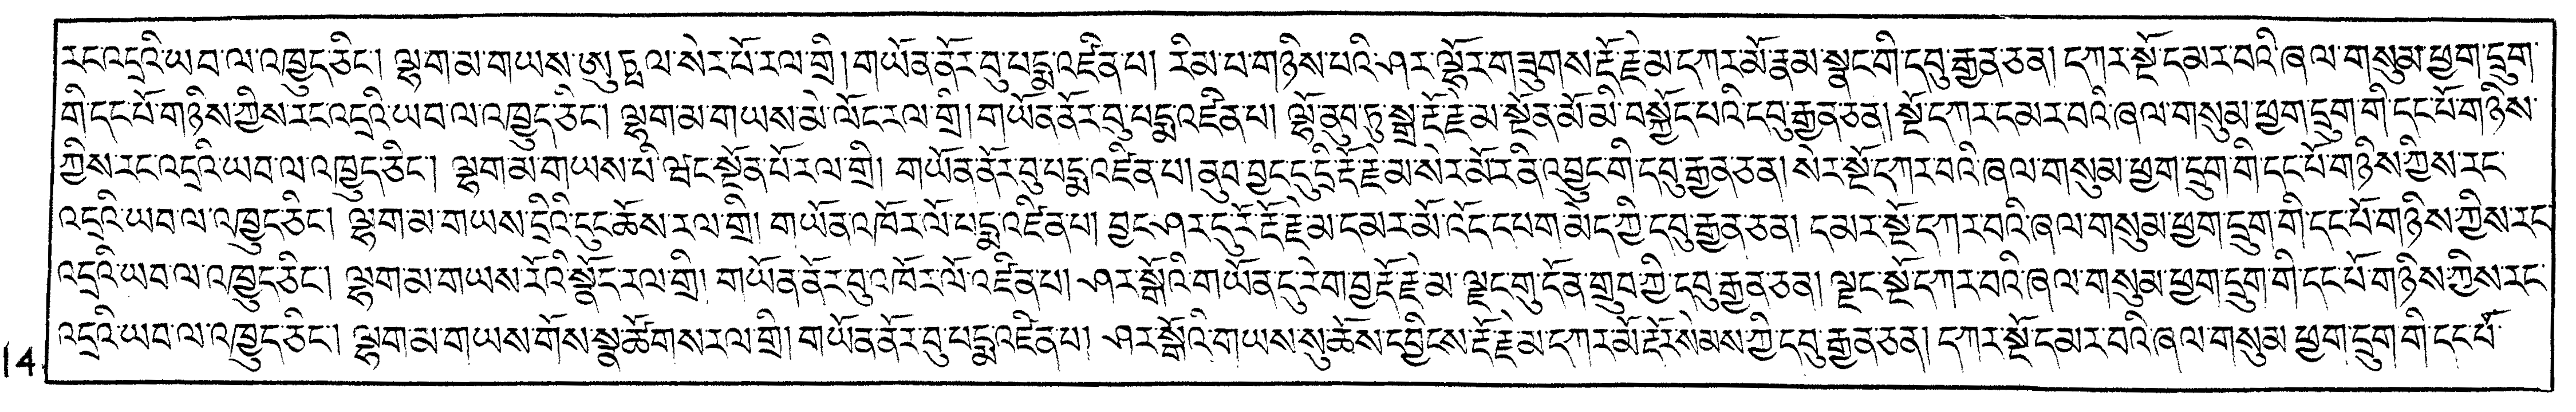རང་འདྲའི་ཡབ་ལ་འཁྱུད་ཅིང་། ལྷག་མ་གཡས་ཨུཏྤལ་སེར་པོ་རལ་གྲི། གཡོན་ནོར་བུ་པདམ་འཛིན་པ། རིམ་པ་གཉིས་པའི་ཤར་ལྷོར་གཟུགས་རྡོ་རྗེ་མ་དཀར་མོ་རྣམ་སྣང་གི་དབུ་རྒྱན་ཅན། དཀར་སྔོ་དམར་བའི་ཞལ་གསུམ་ཕྱག་དྲུག་
གི་དང་པོ་གཉིས་ཀྱིས་རང་འདྲའི་ཡབ་ལ་འཁྱུད་ཅིང་། ལྷག་མ་གཡས་མེ་ལོང་རལ་གྲི། གཡོན་ནོར་བུ་པདམ་འཛིན་པ། ལྷོ་ནུབ་ཏུ་སྒྲ་རྡོ་རྗེ་མ་སྔོན་མོ་མི་བསྐྱོད་པའི་དབུ་རྒྱན་ཅན། སྔོ་དཀར་དམར་བའི་ཞལ་གསུམ་ཕྱག་དྲུག་གི་དང་པོ་གཉིས་
ཀྱིས་རང་འདྲའི་ཡབ་ལ་འཁྱུད་ཅིང་། ལྷག་མ་གཡས་པི་ཝང་སྔོན་པོ་རལ་གྲི། གཡོན་ནོར་བུ་པདམ་འཛིན་པ། ནུབ་བྱང་དུ་དྲི་རྡོ་རྗེ་མ་སེར་མོ་ར་ནི་འབྱུང་གི་དབུ་རྒྱན་ཅན། སེར་སྔོ་དཀར་བའི་ཞལ་གསུམ་ཕྱག་དྲུག་གི་དང་པོ་གཉིས་ཀྱིས་རང་
འདྲའི་ཡབ་ལ་འཁྱུད་ཅིང་། ལྷག་མ་གཡས་དྲིའི་དྲུང་ཆོས་རལ་གྲི། གཡོན་འཁོར་ལོ་པདམ་འཛིན་པ། བྱང་ཤར་དུ་རོ་རྡོ་རྗེ་མ་དམར་མོ་འདོ་དཔག་མེད་ཀྱི་དབུ་རྒྱན་ཅན། དམར་སྔོ་དཀར་བའི་ཞལ་གསུམ་ཕྱག་དྲུག་གི་དང་པོ་གཉིས་ཀྱིས་རང་
འདྲའི་ཡབ་ལ་འཁྱུད་ཅིང་། ལྷག་མ་གཡས་རོའི་སྣོད་རལ་གྲི། གཡོན་ནོར་བུ་འཁོར་ལོ་འཛིན་པ། ཤར་སྒོའི་གཡོན་དུ་རེག་ཡ་རྡོ་རྗེ་མ་ལྗང་དགུ་དོན་གྲུབ་ཀྱི་དབུ་རྒྱན་ཅན། ལྗང་སྔོ་དཀར་བའི་ཞལ་གསུམ་ཕྱག་དྲུག་གི་དང་པོ་གཉིས་ཀྱིས་རང་
འདྲའི་ཡབ་ལ་འཁྱུད་ཅིང་། ལྷག་མ་གཡས་གོས་སྣ་ཚོགས་རལ་གྲི། གཡོན་ནོར་བུ་པདམ་འཛིན་པ། ཤར་སྒོའི་གཡས་སུ་ཆོས་དབྱིངས་རྡོ་རྗེ་མ་དཀར་མོ་རྡོར་སེམས་ཀྱི་དབུ་རྒྱན་ཅན། དཀར་སྔོ་དམར་བའི་ཞལ་གསུམ་ཕྱག་དྲུག་གི་དང་པོ་